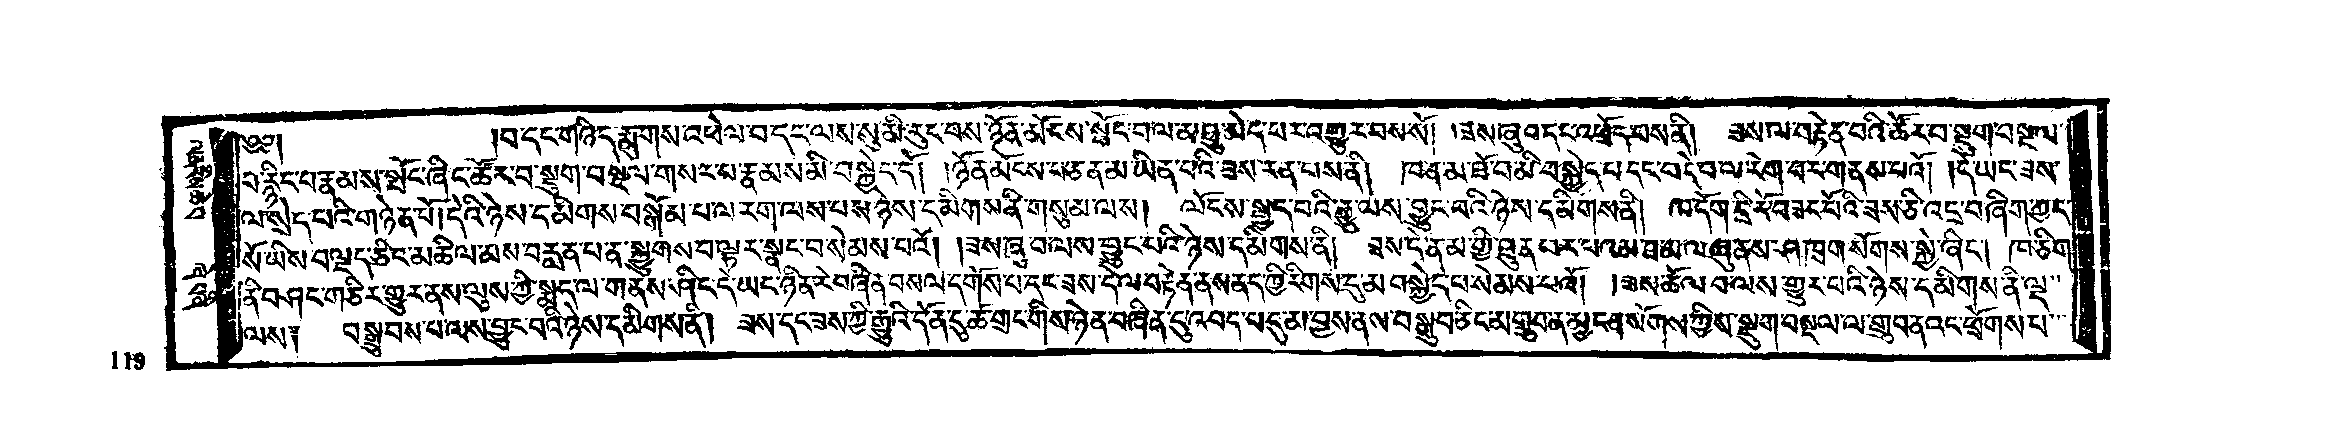༄༅། །བ་དང་གཉིད་རྨུགས་འཕེལ་བ་དང་ལས་སུ་མི་རུང་བས་ཉོན་མོངས་སྤོང་བ་ལ་མཐུ་མེད་པར་འགྱུར་བས་སོ། །ཟས་ཞུ་བ་དང་འཕྲོད་པས་ནི། ཟས་ལ་བརྟེན་པའི་ཚོར་བ་སྡུག་བསྔལ་
བ་རྙིང་པ་རྣམས་སྤོང་ཞིང་ཚོར་བ་སྡུག་བསྔལ་གསར་པ་རྣམས་མི་བསྐྱེད་དོ། །ཉོན་མོངས་པ་ཅན་མ་ཡིན་པའི་ཟས་རན་པས་ནི། ཁ་ན་མ་ཐོ་བ་མི་བསྐྱེད་པ་དང་བདེ་བ་ལ་རེག་པར་གནས་པའོ། །དེ་ཡང་ཟས་
ལ་སྲེད་པའི་གཉེན་པོ། དེའི་ཉེས་དམིགས་བསྒོམ་པ་ལ་རག་ལས་པས་ཉེས་དམིགས་ནི་གསུམ་ལས། ལོངས་སྤྱད་པའི་རྒྱུ་ལས་བྱུང་བའི་ཉེས་དམིགས་ནི། ཁ་དོག་དྲི་རོ་བཟང་པོའི་ཟས་ཅི་འདྲ་བ་ཞིག་ཀྱང་
སོ་ཡིས་བལྡད་ཅིང་མཆིལ་མས་བརླན་པ་ན་སྐྱུགས་པ་ལྟར་སྣང་བ་སེམས་པའོ། །ཟས་ཞུ་བ་ལས་བྱུང་བའི་ཉེས་དམིགས་ནི། ཟས་དེ་ནམ་གྱི་ཐུན་བར་པའམ་ཐ་མ་ལ་ཞུ་ནས་ཤ་ཁྲག་སོགས་སྐྱེ་ཞིང་། ཁ་ཅིག་
ནི་བཤང་གཅིར་གྱུར་ནས་ལུས་ཀྱི་སྨད་ལ་གནས་ཤིང་དེ་ཡང་ཉིན་རེ་བཞིན་བསལ་དགོས་པ་དང་ཟས་དེ་ལ་བརྟེན་ནས་ནད་ཀྱི་རིགས་དུ་མ་བསྐྱེད་པ་སེམས་པའོ། །ཟས་ཚོལ་བ་ལས་གྱུར་པའི་ཉེས་དམིགས་ནི་ལྔ་
ལས༑ བསྒྲུབས་པ་ལས་བྱུང་བའི་ཉེས་དམིགས་ནི། ཟས་དང་ཟས་ཀྱི་རྒྱུའི་དོན་དུ་ཚ་གྲང་གིས་ཉེན་བཞིན་དུ་འབད་པ་དུ་མ་བྱས་ནས་བསྒྲུབ་ཅིང་མ་གྲུབ་ན་མྱ་ངན་སོགས་ཀྱིས་སྡུག་བསྔལ་ལ་གྲུབ་ནའང་ཕྲོགས་པ་